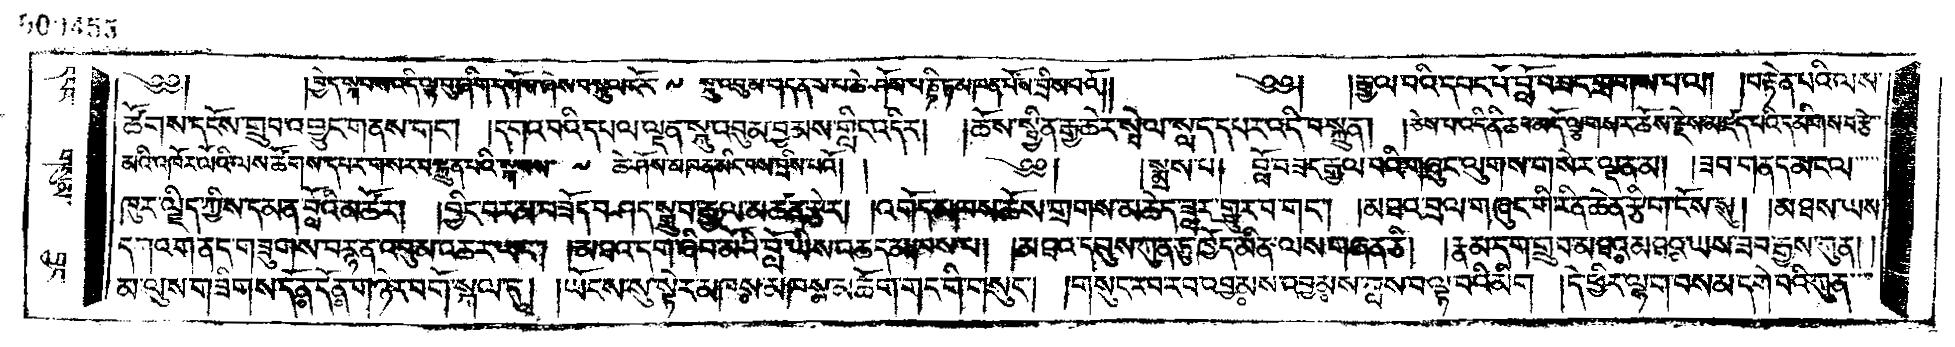༄༅། །བྱེད་སྐབས་འདི་ལྟ་བུ་ཞིག་དགོས་ཞེས་བསྐུལ་ངོར་༧་སྐུ་འབུམ་གདན་ས་པ་ཆེ་ཤོས་པཎྜི་ཏ་མཁན་པོས་བྲིས་པའོ། ། ༄༅། །རྒྱལ་བའི་དབང་པོ་བློ་བཟང་གྲགས་པ་ལ། །བརྟེན་པའི་ལས་
ཚོགས་དངོས་གྲུབ་འབྱུང་གནས་གང་། །དགའ་བའི་དཔལ་ལྡན་སྐུ་འབུམ་བྱམས་གླིང་འདིར། །ཆོས་སྦྱིན་རྒྱ་ཆེར་སྤེལ་སླད་དཔར་འདི་བསྐྲུན། །ཅེས་པ་འདི་ནི་ཆབ་མདོ་ལྕགས་ར་ཆོས་རྗེས་མཛད་པའི་དམིགས་བརྩེ་
མའི་འཁོར་ལོའི་ལས་ཚོགས་དཔར་གསར་བསྐྲུན་པའི་སྐབས་༧་ཆེ་ཤོས་མཁན་མིང་བས་བྲིས་པའོ།། ༄༅། །སྨྲས་པ། བློ་བཟང་རྒྱལ་བའི་གཞུང་ལུགས་གསེར་ལྡན་མ། །ཟབ་གནད་མངལ་
ཁུར་ལྗིད་ཀྱིས་དམན་བློའི་མཚོར། །བྱིང་བར་མ་བཟོད་བཤད་སྒྲུབ་རྒྱལ་མཚན་རྩེར། །འགོད་མཁས་ཆོས་གྲགས་མཆེད་ཟླར་གྱུར་བ་གང་། །མཐའ་བྲལ་གཞུང་གི་རིན་ཆེན་རྩིག་ངོས་སུ། །མཐས་ཡས་
དཀའ་གནད་གཟུགས་བརྙན་འབུམ་འཆར་ཡང་། །མཐའ་དག་ཞིབ་མོའི་བློ་ཡིས་འཆད་མཁས་པ། །མཐའ་དབུས་ཀུན་ཏུ་ཁྱོད་མིན་ལས་གཞན་ཅི། །རྣམ་དག་གྲུབ་མཐའ྾་མཐའ྾་ཡས་ཟབ་རྒྱས་ཀུན། །
མ་ལུས་གཟིགས་དོན྾་དོན྾་གཉེར་བགོ་སྐལ་དུ། །ཡོངས་སུ་སྟེར་མཁས྾་མཁས྾་མཆོག་གང་གི་གསུང་། །གསུང་རབ་རབ་འབྱམས྾་འབྱམས྾་ཀླས་བལྟ་བའི་མིག །དེ་ཕྱིར་ལྷག་བསམ་དགེ་བའི་ཀུན་